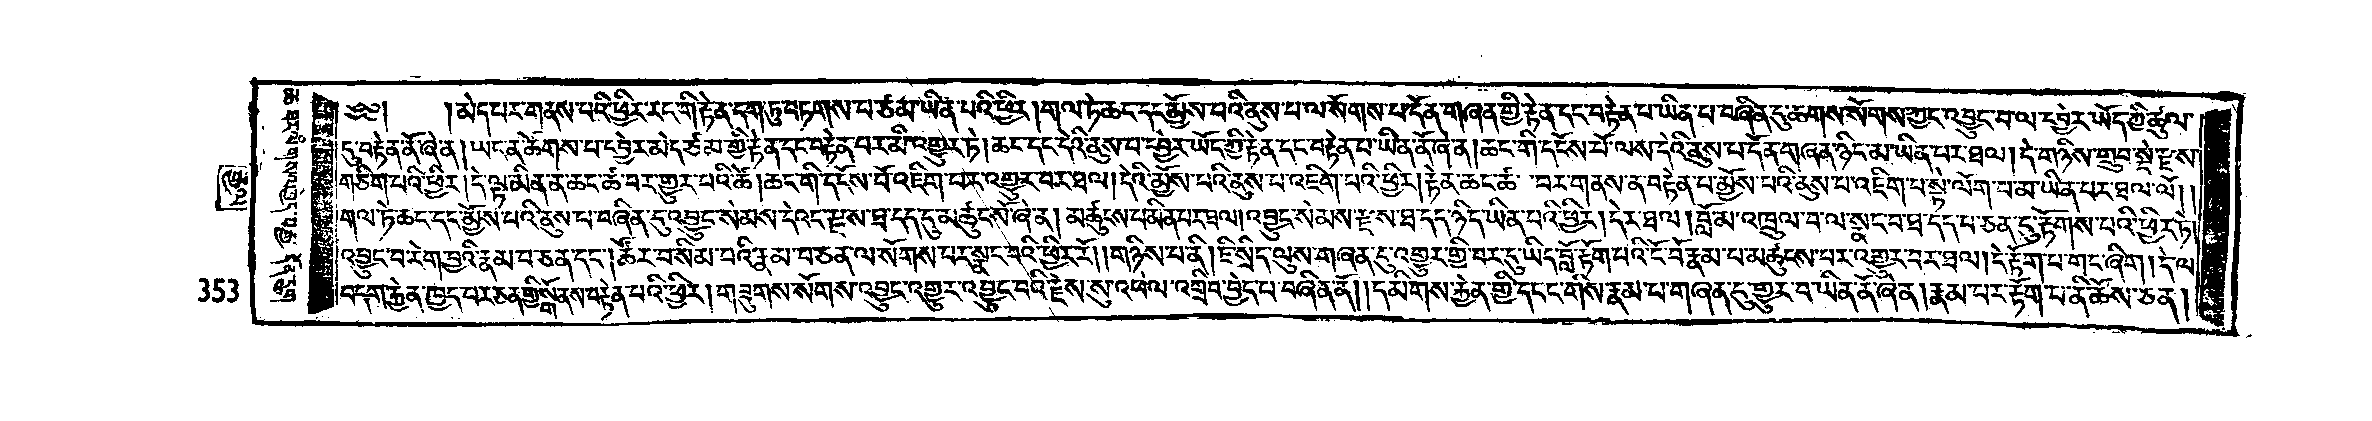༄༅། །མེད་པར་གནས་པའི་ཕྱིར་རང་གི་རྟེན་དག་ཏུ་བཏགས་པ་ཙམ་ཡིན་པའི་ཕྱིར། གལ་ཏེ་ཆང་དང་མྱོས་པའི་ནུས་པ་ལ་སོགས་པ་དོན་གཞན་གྱི་རྟེན་དང་བརྟེན་པ་ཡིན་པ་བཞིན་དུ་ཆགས་སོགས་ཀྱང་འབྱུང་བ་ལ་དབྱེར་ཡོད་ཀྱི་ཚུལ་
དུ་བརྟེན་ནོ་ཞེ་ན། ཡང་ན་ཚོགས་པ་དབྱེར་མེད་ཙམ་ཀྱི་རྟེན་དང་བརྟེན་པར་མི་འགྱུར་ཏེ། ཆང་དང་དེའི་ནུས་པ་དབྱེར་ཡོད་ཀྱི་རྟེན་དང་བརྟེན་པ་ཡིན་ནོ་ཞེ་ན། ཆང་གི་དངོས་པོ་ལས་དེའི་ནུས་པ་དོན་གཞན་ཉིད་མ་ཡིན་པར་ཐལ། དེ་གཉིས་གྲུབ་སྡེ་རྫས་
གཅིག་པའི་ཕྱིར། དེ་ལྟ་མིན་ན་ཆང་ཚ་བར་གྱུར་པའི་ཚེ། ཆང་གི་དངོས་པོ་འཇིག་པར་འགྱུར་བར་ཐལ། དེའི་མྱོས་པའི་ནུས་པ་འཇིག་པའི་ཕྱིར། རྟེན་ཆང་ཚ་བར་གནས་ན་བརྟེན་པ་མྱོས་པའི་ནུས་པ་འཇིག་པ་སྟེ་ལོག་པ་མ་ཡིན་པར་ཐལ་ལོ། །
གལ་ཏེ་ཆང་དང་མྱོས་པའི་ནུས་པ་བཞིན་དུ་འབྱུང་སེམས་དེའང་རྫས་ཐ་དད་དུ་མཚུངས་སོ་ཞེ་ན། མཚུངས་པ་མིན་པར་ཐལ། འབྱུང་སེམས་རྫས་ཐ་དད་ཉིད་ཡིན་པའི་ཕྱིར། དེར་ཐལ། བློ་མ་འཁྲུལ་བ་ལ་སྣང་བ་ཐ་དད་པ་ཅན་དུ་རྟོགས་པའི་ཕྱིར་ཏེ།
འབྱུང་བ་རེག་བྱའི་རྣམ་པ་ཅན་དང་། ཚོར་བ་སིམ་པའི་རྣམ་པ་ཅན་ལ་སོགས་པར་སྣང་བའི་ཕྱིར་རོ། །གཉིས་པ་ནི། ཇི་སྲིད་ལུས་གཞན་དུ་འགྱུར་གྱི་བར་དུ་ཡིད་བློ་རྟོག་པའི་ངོ་བོ་རྣམ་པ་མཚུངས་པར་འགྱུར་བར་ཐལ། དེ་རྟོག་པ་གང་ཞིག །དེ་ལ་
བདག་རྐྱེན་ཁྱད་པར་ཅན་གྱི་སྒོ་ནས་བརྟེན་པའི་ཕྱིར། གཟུགས་སོགས་འབྱུང་འགྱུར་འབྱུང་བའི་རྗེས་སུ་འཕེལ་འགྲིབ་བྱེད་པ་བཞིན་ནོ། །དམིགས་རྐྱེན་གྱི་དབང་གིས་རྣམ་པ་གཞན་དུ་གྱུར་པ་ཡིན་ནོ་ཞེ་ན། རྣམ་པར་རྟོག་པ་ནི་ཆོས་ཅན།